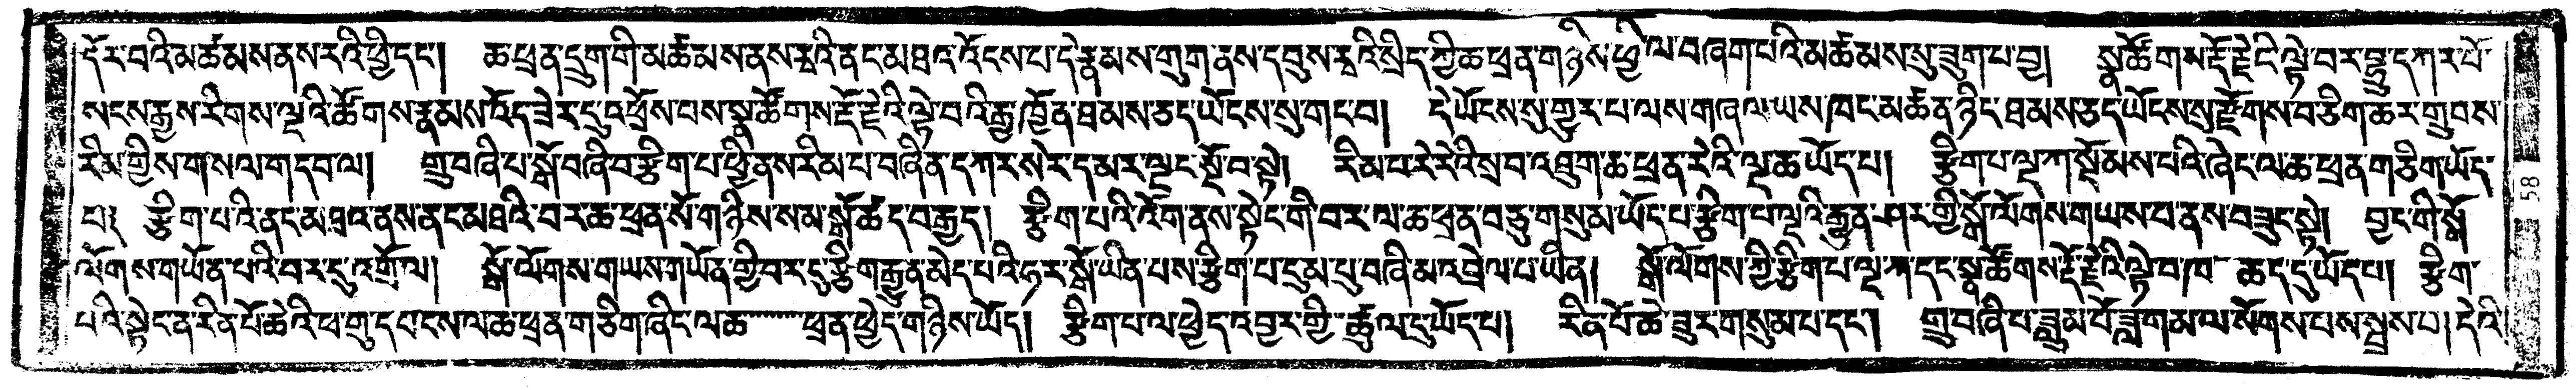དོར་བའི་མཚམས་ནས་རའི་ཕྱི་དང་། ཆ་ཕྲན་དྲུག་གི་མཚམས་ནས་རྭའི་ནང་མཐའ་འོངས་པ་དེ་རྣམས་གུག་ནས་དབུས་རྭའི་སྲིད་ཀྱི་ཆ་ཕྲན་གཉིས་ཕྱི་ལ་བཞག་པའི་མཚམས་སུ་ཟུག་པ་བྱ། སྣ་ཚོགས་རྡོ་རྗེའི་ལྟེ་བར་བྷུ་དཀར་པོ་
སངས་རྒྱས་རིགས་ལྔའི་ཚོགས་རྣམས་འོད་ཟེར་དུ་འཕྲོས་པས་སྣ་ཚོགས་རྡོ་རྗེའི་ལྟེ་བའི་རྒྱ་ཁྱོན་ཐམས་ཅད་ཡོངས་སུ་གང་བ། དེ་ཡོངས་སུ་གྱུར་པ་ལས་གཞལ་ཡས་ཁང་མཚན་ཉིད་ཐམས་ཅད་ཡོངས་སུ་རྫོགས་པ་ཅིག་ཆར་གྲུབས་
རིམ་གྱིས་གསལ་གདབ་ལ། གྲུ་བཞི་པ་སྒོ་བཞི་བརྩིག་པ་ཕྱི་ནས་རིམ་པ་བཞིན་དཀར་སེར་དམར་ལྗང་སྔོ་བ་སྟེ། རིམ་པ་རེ་རེའི་སྲབ་འཐུག་ཆ་ཕྲན་རེའི་ལྔ་ཆ་ཡོད་པ། རྩིག་པ་ལྔ་ཀ་སྡོམས་པའི་ཞེང་ལ་ཆ་ཕྲན་གཅིག་ཡོད་
པ༑ རྩིག་པའི་ནང་མཐའ་ནས་ནང་མཐའི་བར་ཆ་ཕྲན་སོ་གཉིས་སམ་སྒོ་ཚད་བརྒྱད། རྩིག་པའི་འོག་ནས་སྟེང་གི་བར་ལ་ཆ་ཕྲན་བཅུ་གསུམ་ཡོད་པ་རྩིག་པ་ལྔའི་རྒྱུན་ཤར་གྱི་སྒོ་ལོགས་གཡས་པ་ནས་བཟུང་སྟེ། བྱང་གི་སྒོ་
ལོགས་གཡོན་པའི་བར་དུ་འགྲོ་ལ། སྒོ་ལོགས་གཡས་གཡོན་གྱི་བར་དུ་རྩིག་རྒྱུན་མེད་པའི་ཧར་སྒོ་ཡིན་པས་རྩིག་པ་དུམ་པུ་བཞི་མ་འབྲེལ་པ་ཡིན། སྒོ་ལོགས་ཀྱི་རྩིག་པ་ལྔ་ཀ་དང་སྣ་ཚོགས་རྡོ་རྗེའི་ལྟེ་བ་ཁ་ཆད་དུ་ཡོད་པ། རྩིག་
པའི་སྟེང་ན་རིན་པོ་ཆེའི་ཕ་གུ་དཔངས་ལ་ཆ་ཕྲན་གཅིག་ཞིང་ལ་ཆ་ཕྲན་ཕྱེད་གཉིས་ཡོད། རྩིག་པ་ལ་ཕྱེད་འབྱར་གྱི་ཚུལ་དུ་ཡོད་པ། རིན་པོ་ཆེ་ཟུར་གསུམ་པ་དང་། གྲུ་བཞི་པ་ཟླུམ་པོ་ཟླག་མ་ལ་སོགས་པས་སྤྲས་པ། དེའི་